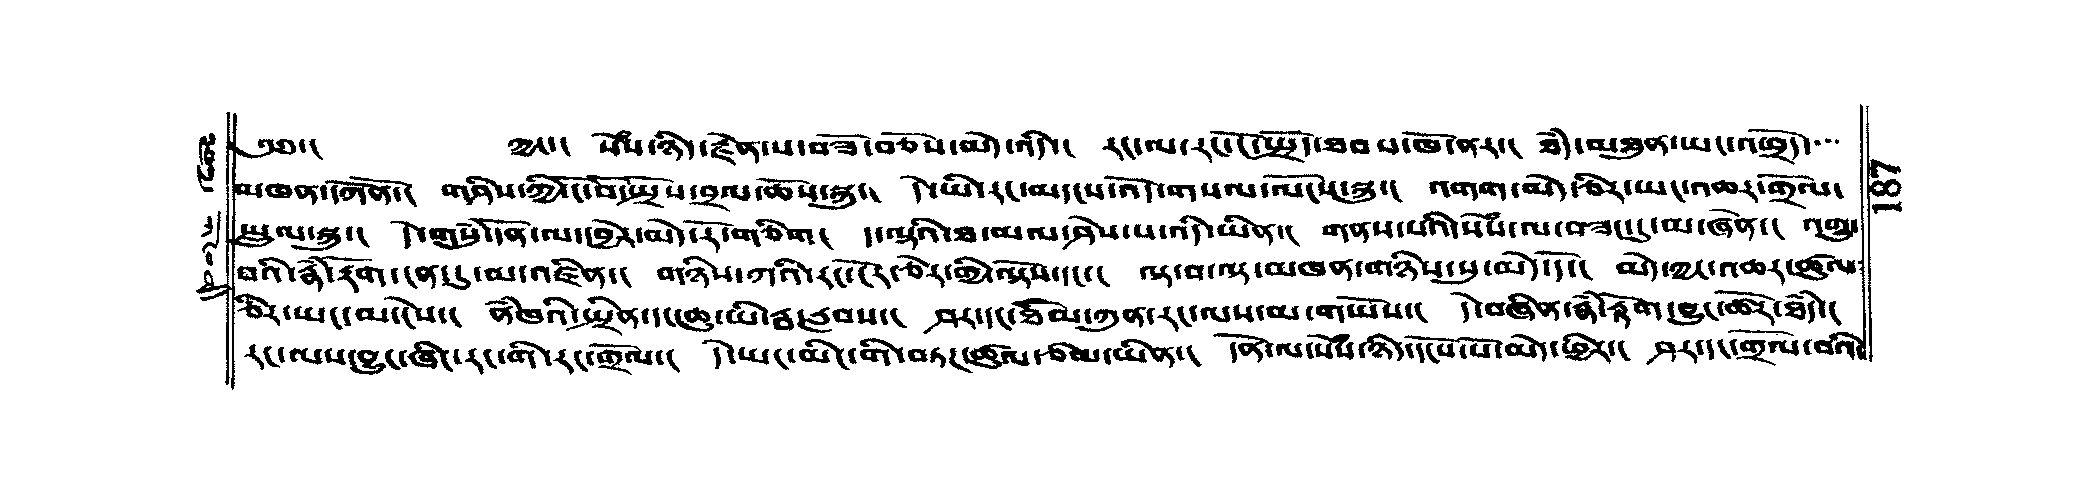ཡང་། །སེམས་ཉིད་རྗེན་པ་བཟོ་བཅོས་མེད་འདི། །རང་ལ་རང་ངོ་སྤྲོད་ཐབས་ཁོ་ནར། །ཐམས་ཅད་མཐུན་ཡང་འཕྲོད་
མཁན་དཀོན་ནོ། །གཤིས་ཀྱི་ངོ་བོ་སྤྲོས་བྲལ་ཆོས་སྐུ། །དེ་ཡི་རང་མདངས་འོད་གསལ་ལོངས་སྐུ། །འགག་མེད་ཅིར་ཡང་འཆར་གྲོལ་
སྤྲུལ་སྐུ། །དེ་གསུམ་དོན་ལ་དབྱེར་མེད་རོ་གཅིག །ད་ལྟའི་ཐ་མལ་ཤེས་པ་འདི་ཡིན། །གནས་པའི་སེམས་ལ་བཟང་དུ་མ་ཞེན། །འགྱུ་
བའི་རྣམ་རྟོག་ངན་དུ་མ་འཛིན། །གཉིས་ཀའི་རང་ངོར་ཅེར་གྱི་ལྟོས་དང་། །ལྟ་བ་ལྟ་མཁན་གཉིས་སུ་མེད་དོ། །མེད་ཀྱང་འཆར་ཚུལ་
ཅིར་ཡང་མ་ངེས། །ནམ་མཁའི་སྤྲིན་དང་ཆུ་ཡི་རྦ་རླབས། །ཤར་དང་ཐིམ་ཀུན་རང་ལས་མ་གཡོས། །དེ་བཞིན་རྣམ་རྟོག་བྱུང་ཚུལ་ཐམས་ཅད། །
རང་ལས་བྱུང་ཞིང་རང་གི་རང་གྲོལ། །དེ་ཡང་མིང་གི་བཏགས་ཚུལ་ཙམ་ཡིན། །དོན་ལ་སེམས་ཉིད་དངོས་པོ་མེད་ཕྱིར། ཤར་དང་གྲོལ་བའི་